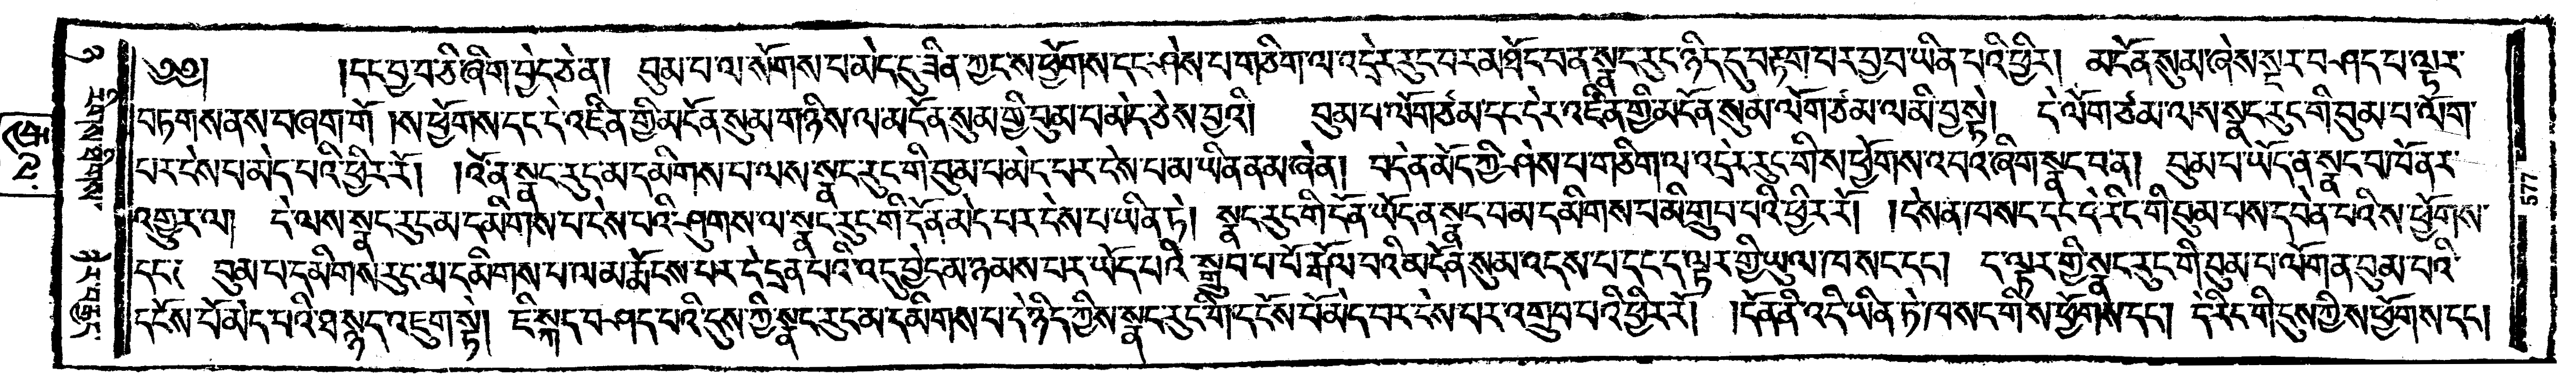༄༅། །དང་བྱ་བ་ཅི་ཞིག་བྱེད་ཅེ་ན། བུམ་པ་ལ་སོགས་པ་མེད་དུ་ཟིན་ཀྱང་ས་ཕྱོགས་དང་ཤེས་པ་གཅིག་ལ་འདྲེར་རུང་བར་མཐོང་བ་ན་སྣང་རུང་ཉིད་དུ་བརྟག་པར་བྱ་བ་ཡིན་པའི་ཕྱིར། མངོན་སུམ་ཞེས་སྔར་བཤད་པ་ལྟར་
བཏགས་ནས་བཞག་གོ། །ས་ཕྱོགས་དང་དེ་འཛིན་གྱི་མངོན་སུམ་གཉིས་ལ་མངོན་སུམ་གྱི་བུམ་པ་མེད་ཅེས་བྱའི། བུམ་པ་ལོག་ཙམ་དང་དེར་འཛིན་གྱི་མངོན་སུམ་ལོག་ཙམ་ལ་མི་བྱ་སྟེ། དེ་ལོག་ཙམ་ལས་སྣང་རུང་གི་བུམ་པ་ལོག་
པར་ངེས་པ་མེད་པའི་ཕྱིར་རོ། །འོ་ན་སྣང་རུང་མ་དམིགས་པ་ལས་སྣང་རུང་གི་བུམ་པ་མེད་པར་ངེས་པ་མ་ཡིན་ནམ་ཞེ་ན། བདེན་མོད་ཀྱི་ཤེས་པ་གཅིག་ལ་འདྲེན་རུང་གི་ས་ཕྱོགས་འབའ་ཞིག་སྣང་བ་ན། བུམ་པ་ཡོད་ན་སྣང་བ་ཁོ་ནར་
འགྱུར་ལ། དེ་ལས་སྣང་རུང་མ་དམིགས་པ་ངེས་པའི་ཤུགས་ལ་སྣང་རུང་གི་དོན་མེད་པར་ངེས་པ་ཡིན་ཏེ། སྣང་རུང་གི་དོན་ཡོད་ན་སྣང་བ་མ་དམིགས་པ་མི་གྲུབ་པའི་ཕྱིར་རོ། །ངེས་ན་ཁ་སང་དང་དེ་རིང་གི་བུམ་པས་དབེན་པའི་ས་ཕྱོགས་
དང༑ བུམ་པ་དམིགས་རུང་མ་དམིགས་པ་ལ་མ་རྨོངས་པར་དེ་དྲན་པའི་འདུ་བྱེད་མ་ཉམས་པར་ཡོད་པའི་སྒྲུབ་པ་པོ་རྒོལ་བའི་མངོན་སུམ་འདས་པ་དང་ད་ལྟར་གྱི་ཡུལ་ཁ་སང་དང་། ད་ལྟར་གྱི་སྣང་རུང་གི་བུམ་པ་ལོག་ན་བུམ་པའི་
དངོས་པོ་མེད་པའི་ཐ་སྙད་འཇུག་སྟེ། ཇི་སྐད་བཤད་པའི་དུས་ཀྱི་སྣང་རུང་མ་དམིགས་པ་དེ་ཉིད་ཀྱིས་སྣང་རུང་གི་དངོས་པོ་མེད་བར་ངེས་པར་འགྲུབ་པའི་ཕྱིར་རོ། །དོན་ནི་འདི་ཡིན་ཏེ་ཁ་སང་གི་ས་ཕྱོགས་དང་། དེ་རིང་གི་དུས་ཀྱི་ས་ཕྱོགས་དང་།